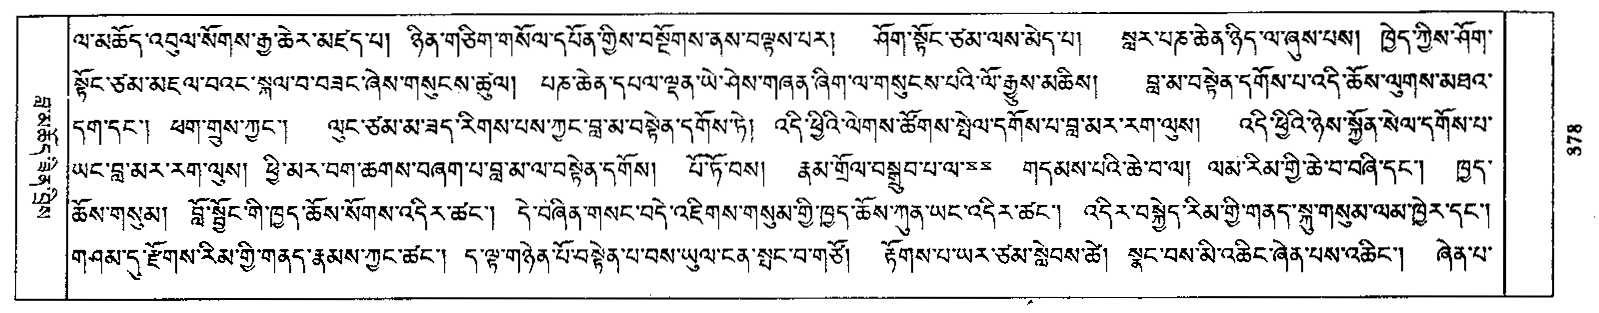ལ་མཆོད་འབུལ་སོགས་རྒྱ་ཆེར་མཛད་པ། ཉིན་གཅིག་གསོལ་དཔོན་གྱིས་བསྔོགས་ནས་བལྟས་པར། ཤོག་སྟོང་ཙམ་ལས་མེད་པ། སླར་པཎ་ཆེན་ཉིད་ལ་ཞུས་པས། ཁྱེད་ཀྱིས་ཤོག་
སྟོང་ཙམ་མཇལ་བའང་སྐལ་བ་བཟང་ཞེས་གསུངས་ཚུལ། པཎ་ཆེན་དཔལ་ལྡན་ཡེ་ཤེས་གཞན་ཞིག་ལ་གསུངས་པའི་ལོ་རྒྱུས་མཆིས། བླ་མ་བསྟེན་དགོས་པ་འདི་ཆོས་ལུགས་མཐའ་
དག་དང་། ཕག་གྲུས་ཀྱང་། ལུང་ཙམ་མ་ཟད་རིགས་པས་ཀྱང་བླ་མ་བསྟེན་དགོས་ཏེ། འདི་ཕྱིའི་ལེགས་ཚོགས་སྤེལ་དགོས་པ་བླ་མར་རག་ལུས། འདི་ཕྱིའི་ཉེས་སྐྱོན་སེལ་དགོས་པ་
ཡང་བླ་མར་རག་ལུས། ཕྱི་མར་བག་ཆགས་བཞག་པ་བླ་མ་ལ་བསྟེན་དགོས། པོ་ཏོ་བས། རྣམ་གྲོལ་བསྒྲུབ་པ་ལ་྾་྾་གདམས་པའི་ཆེ་བ་ལ། ལམ་རིམ་གྱི་ཆེ་བ་བཞི་དང་། ཁྱད་
ཆོས་གསུམ། བློ་སྦྱོང་གི་ཁྱད་ཆོས་སོགས་འདིར་ཚང་། དེ་བཞིན་གསང་བདེ་འཇིགས་གསུམ་གྱི་ཁྱད་ཆོས་ཀུན་ཡང་འདིར་ཚང་། འདིར་བསྐྱེད་རིམ་གྱི་གནད་སྐུ་གསུམ་ལམ་ཁྱེར་དང་།
གཤམ་དུ་རྫོགས་རིམ་གྱི་གནད་རྣམས་ཀྱང་ཚང་། ད་ལྟ་གཉེན་པོ་བསྟེན་པ་བས་ཡུལ་ངན་སྤང་བ་གཙོ། རྟོགས་པ་ཡར་ཙམ་སླེབས་ཚེ། སྣང་བས་མི་འཆིང་ཞེན་པས་འཆིང་། ཞེན་པ་